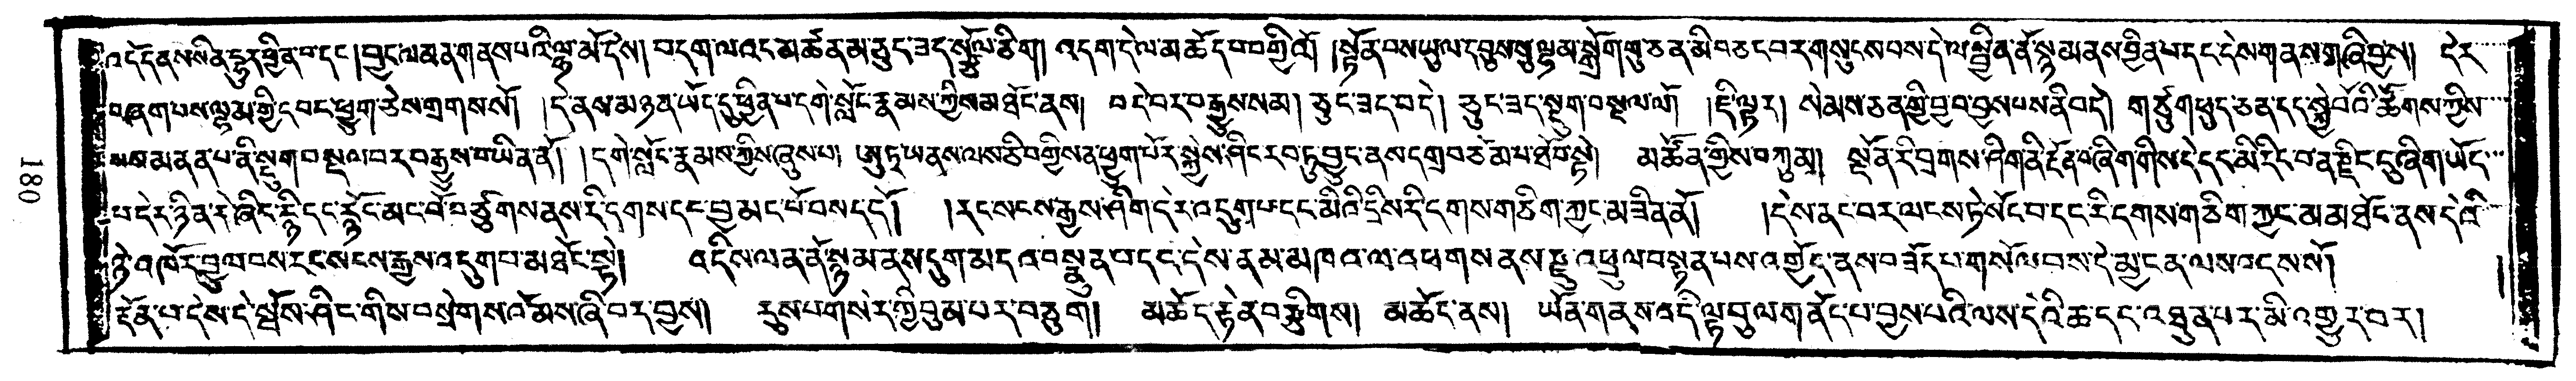འདོད་ནས་སིན་དྷུར་ཕྱིན་པ་དང་། བྱང་ལམ་ན་གནས་པའི་ལྷ་མོ་དེས། བདག་ལའང་མཚན་མ་ཅུང་ཟད་སྩོལ་ཅིག། འདག་དེ་ལ་མཆོད་པ་བགྱིའོ། །སྟོན་བས་ཡུལ་དབུས་སུ་ལྷམ་སྒྲོག་གུ་ཅན་མི་བཅང་བར་གསུངས་པས་དེ་ལ་སྦྱིན་ནོ་སྙམ་ནས་བྱིན་པ་དང་དེས་གནས་གཞི་བྱས། དེར་
བཞག་པས་ལྷམ་གྱི་དབང་ཕྱུག་ཅེས་གྲགས་སོ། །དེ་ནས་མཉན་ཡོད་དུ་ཕྱིན་པ་དགེ་སློང་རྣམས་ཀྱིས་མཐོང་ནས། བདེ་བར་བརྒྱུས་སམ། ཅུང་ཟད་བ་དེ། ཅུང་ཟད་སྡུག་བསྔལ་ལོ། །ཇི་ལྟར། སེམས་ཅན་གྱི་བྱ་བ་བྱས་པས་ནི་བདེ། གཙུག་ཕུད་ཅན་དང་སྐྱེ་བོའི་ཚོགས་ཀྱིས་
སས་མནན་པ་ནི་སྡུག་བསྔལ་བར་བརྒྱུས་བ་ཡིན་ནོ། །དགེ་སློང་རྣམས་ཀྱིས་ཞུས་པ། ཨུཏྲ་ཡ་ནས་ལས་ཅི་བགྱིས་ན་ཕྱུག་པོར་སྐྱེས་ཤིང་རབ་ཏུ་བྱུང་ནས་དགྲ་བཅོམ་པ་ཐོབ་སྟེ། མཚོན་གྱིས་བཀུམ། སྔོན་རི་བྲགས་ཤིག་ནི་རྔོན་བཞིག་གིས་དེ་དང་མི་རིང་བན་རྫིང་དུ་ཞིག་ཡོད་
པ་དེར་ཉིན་རེ་ཞིང་རྙི་དང་རྙོང་མང་བོ་བཙུགས་ནས་རི་དྭགས་དང་བྱ་མང་པོ་བསད་དོ། །རང་སངས་རྒྱས་ཤིག་དེར་འདུག་པ་དང་མིའི་དྲིས་རི་དགས་གཅིག་ཀྱང་མ་ཟིན་ནོ། །དེས་ནང་བར་ལངས་ཏེ་སོང་བ་དང་རི་དགས་གཅིག་ཀྱང་མ་མཐོང་ནས་དེའི་
ཉེ་འཁོར་བྱུལ་བས་རང་སངས་རྒྱས་འདུག་པ་མཐོང་སྟེ། འདིས་ལན་ནོ་སྙམ་ནས་དུག་མདའ་བསྣུན་པ་དང་དེས་ནམ་མཁའ་ལ་འཕགས་ནས་རྫུ་འཕྲུལ་བསྟན་པས་འགྱོད་ནས་བཟོད་པ་གསོལ་བས་དེ་མྱ་ངན་ལས་འདས་སོ། །
རྡོན་པ་དེས་དེ་སྦོས་ཤིང་གིས་བསྲེགས་འོ་མས་ཞི་བར་བྱས། རུས་པ་གསེར་གྱི་བུམ་པར་བཅུག། མཆོད་རྟེན་བརྩིགས། མཆོད་ནས། ཡོན་གནས་འདི་ལྟ་བུ་ལ་གནོད་པ་བྱས་པའི་ལས་དེའི་ཆ་དང་འཐུན་པར་མི་འགྱུར་བར།